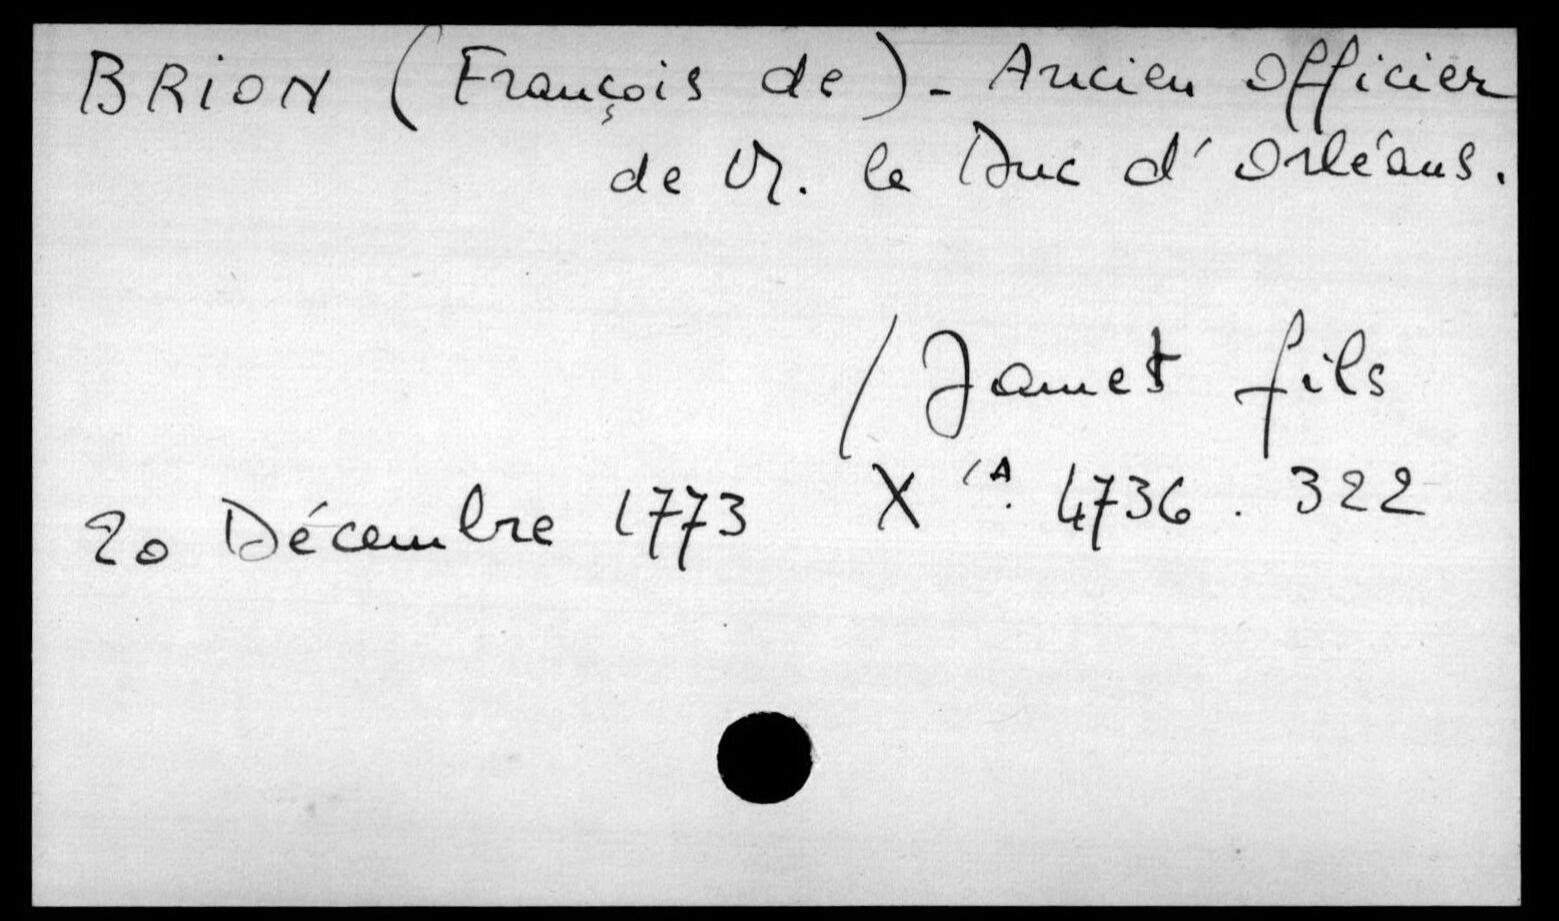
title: BRION (François de), Ancien officier de Monsieur le duc d'Orléans.
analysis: Contre Jamet fils
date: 20 décembre 1773
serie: X1A
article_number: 4736
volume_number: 322
